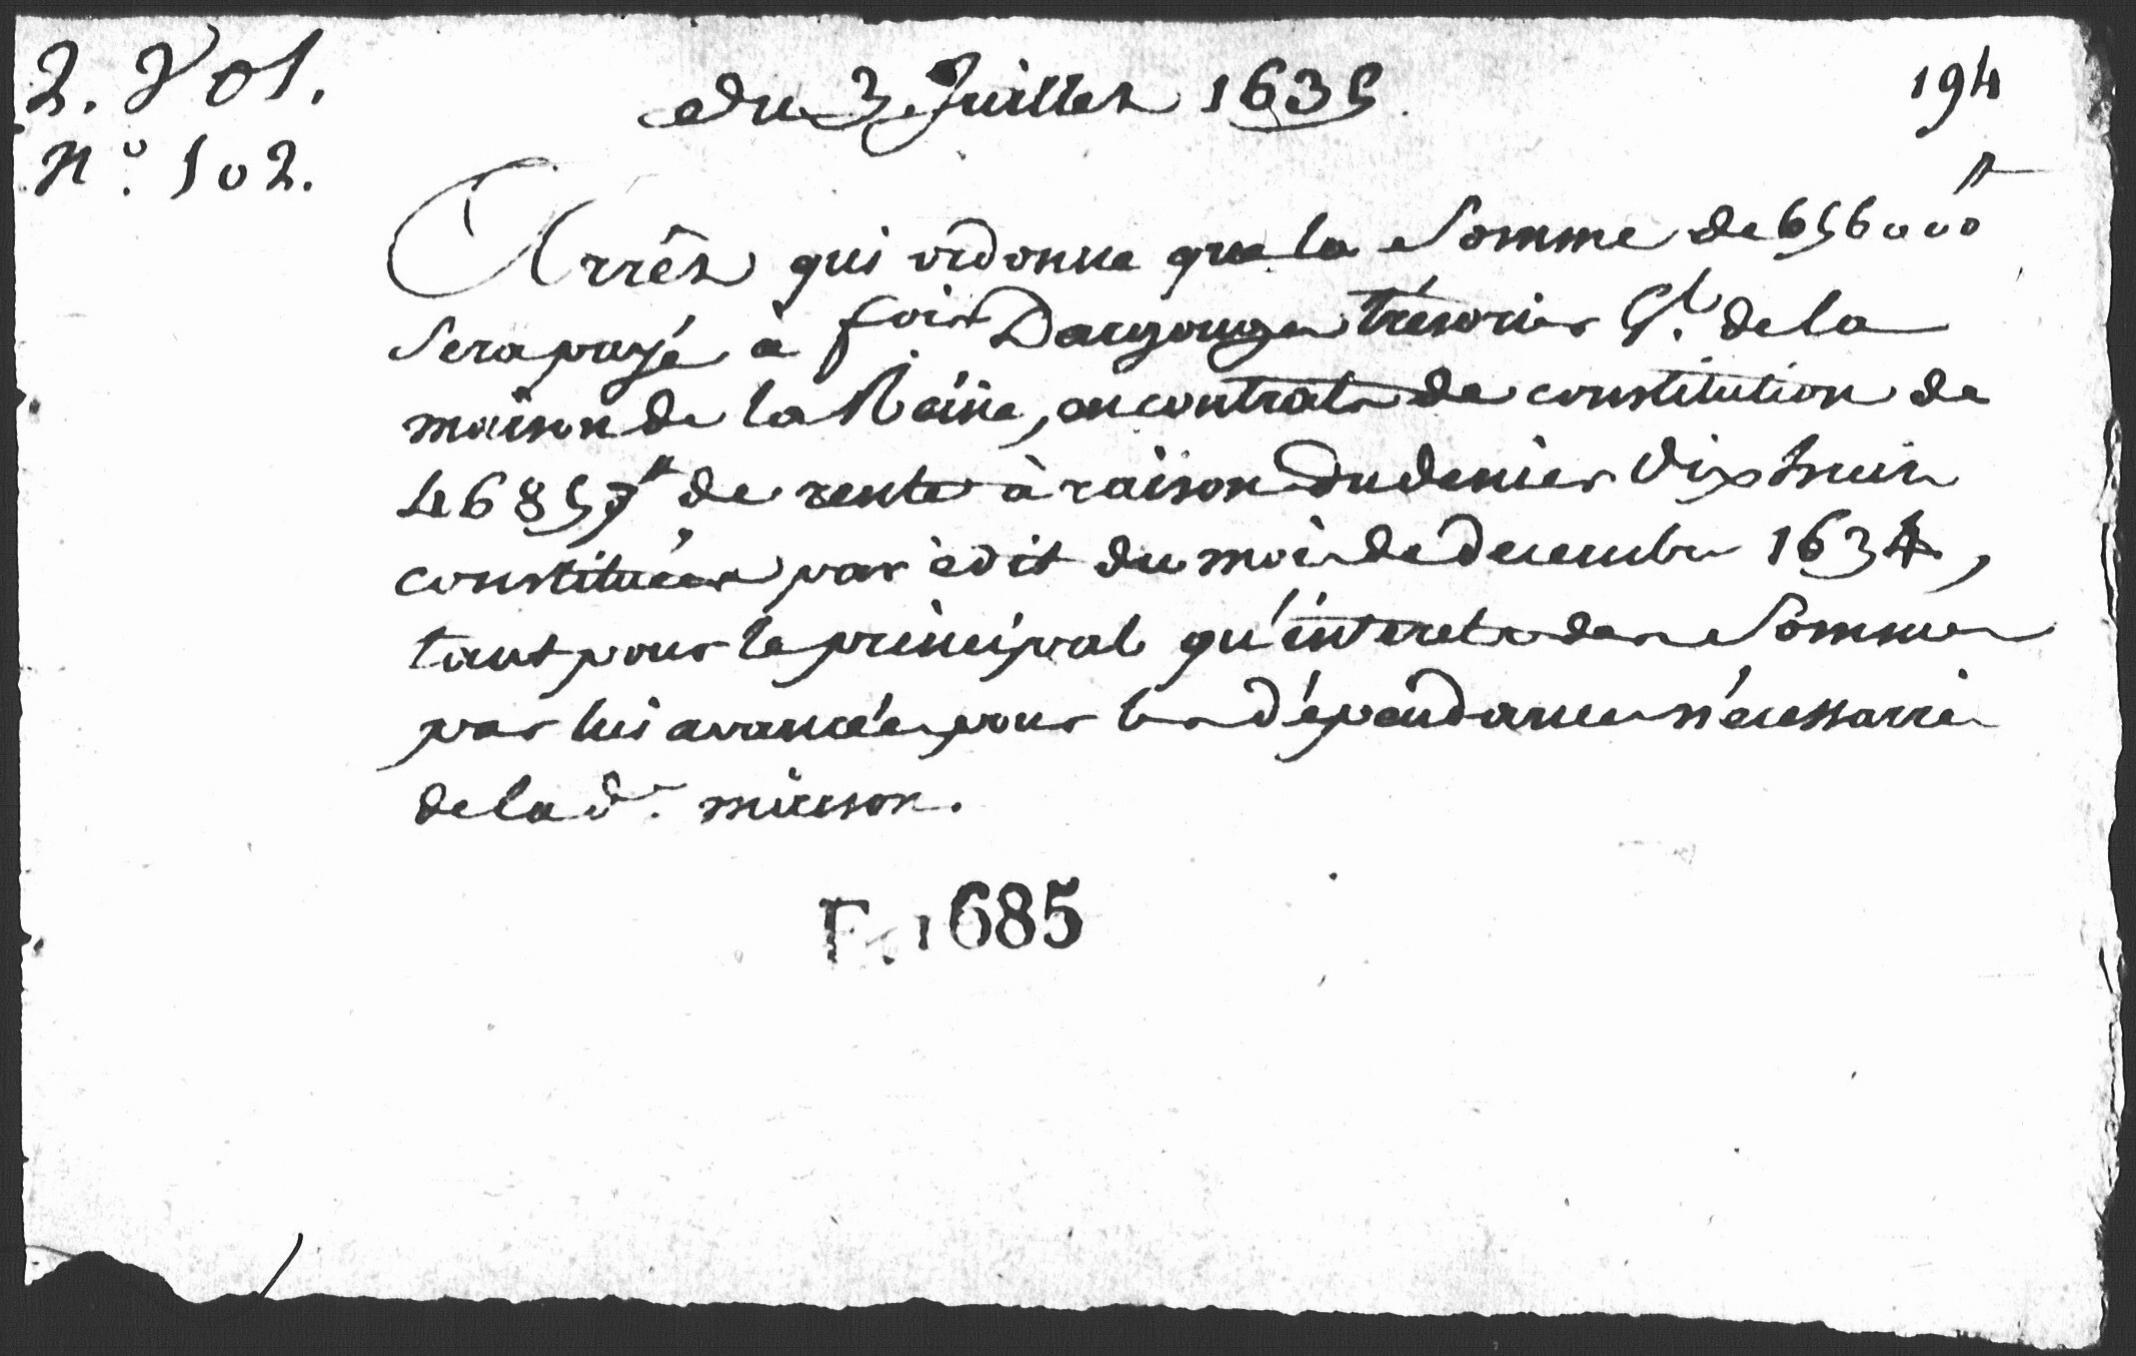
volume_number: n°102
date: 3 juillet 1635
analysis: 194
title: Arrêt qui ordonne que la somme de 656000 # sera payé à f.ois Dargouges trésorier G.l de la maison de la Reine, en contrats de constitution de 46857 # de rente à raison du denier dix huit constituées par édit du mois de decembre 1634, tant pour le principal qu'interets des sommes par lui avancées pour les dépendances nécessaires delad. maison.
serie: E
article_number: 1685
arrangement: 2. vol.
